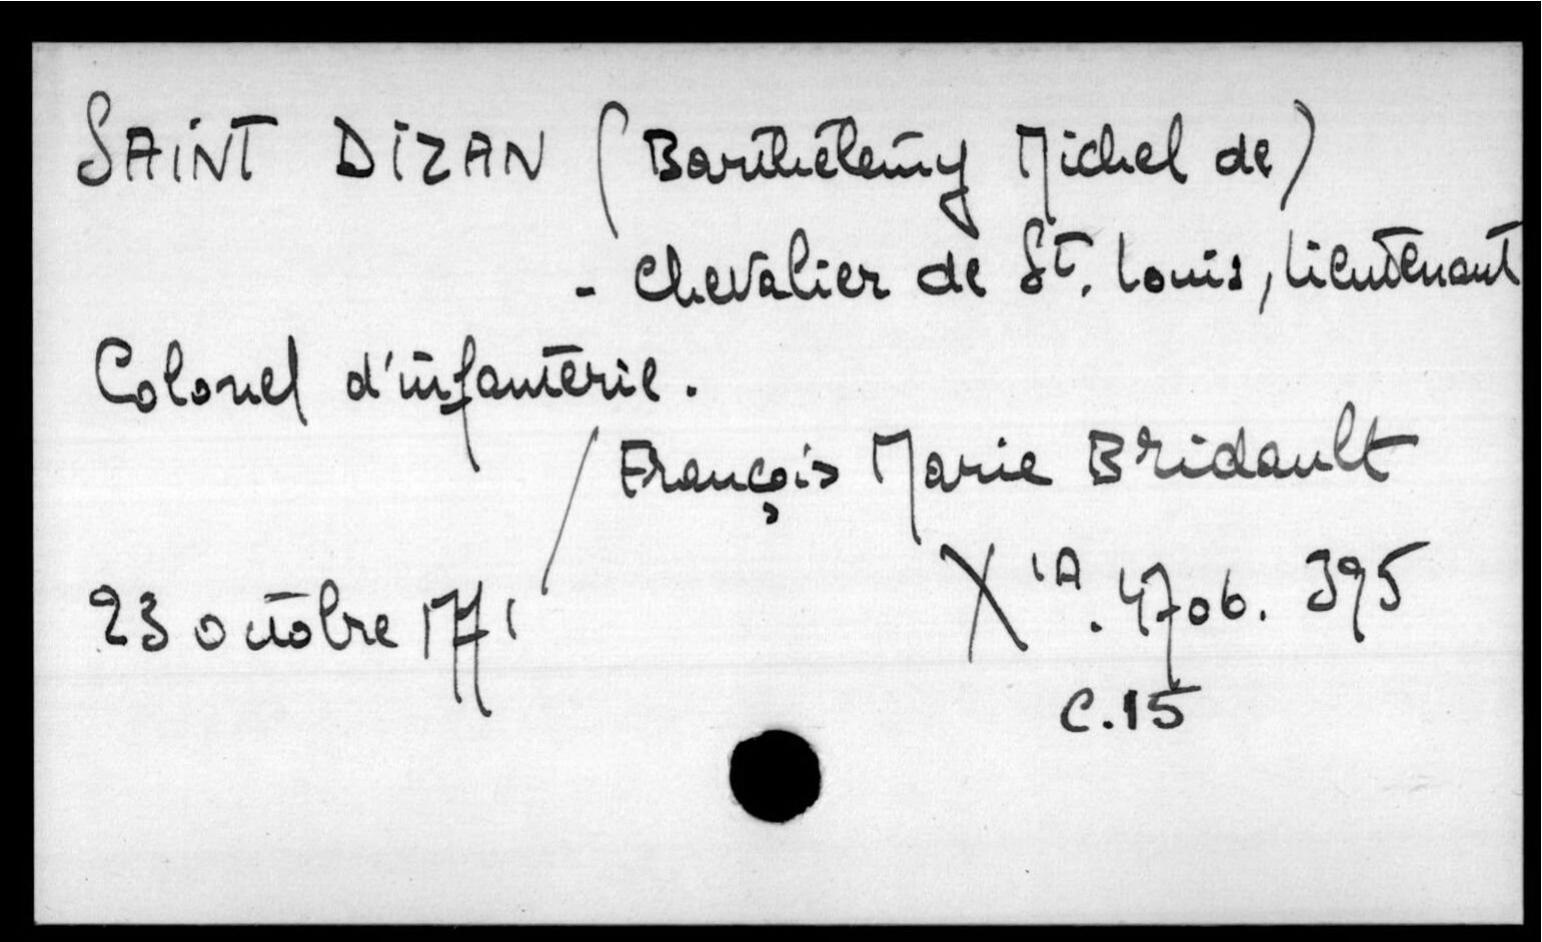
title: SAINT DIZAN (Barlhélémy Michel de) - Chevalier de Saint-Louis, Lieutenant Colonel d'infanterie
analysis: Contre François Marie Bridault
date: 23 octobre 1771
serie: X1A
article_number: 4706
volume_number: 395 Conseil, 15
